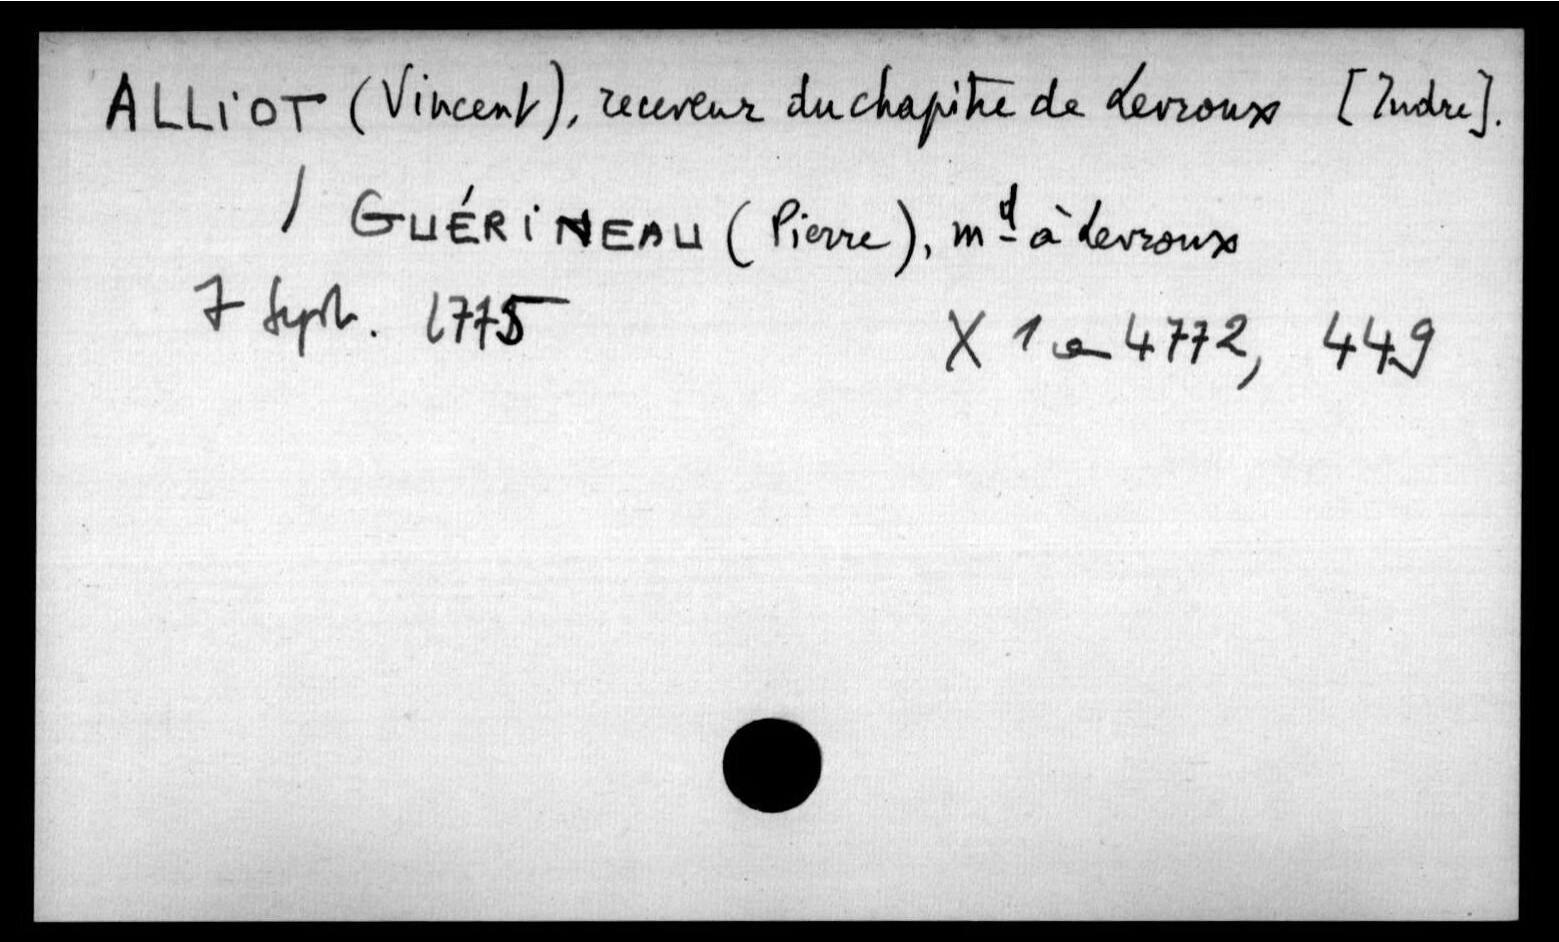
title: ALLIOT (Vincent), receveur du chapitre de Levroux [Indre]
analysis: Contre GUÉRINEAU (Pierre), marchand à Levroux
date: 4 sept. 1775
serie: X1a
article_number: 4772
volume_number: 449
